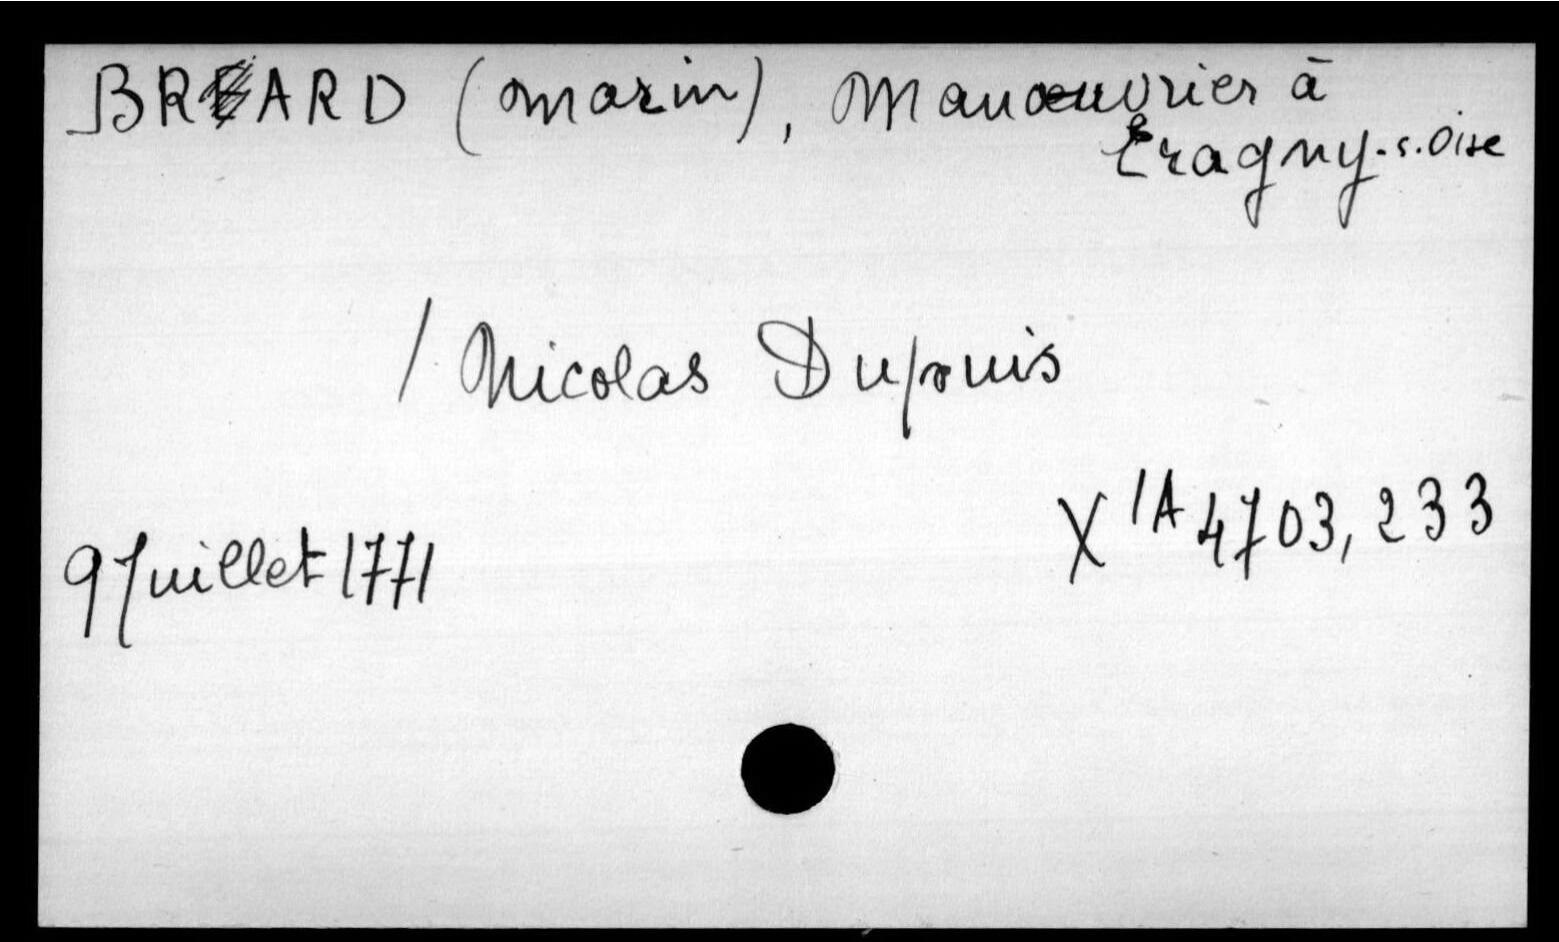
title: BRARD (Marin), Manouvrier à Eragny-sur-Oise
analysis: Contre Nicolas Dupuis
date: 9 juillet 1771
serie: X1A
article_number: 4703
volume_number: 233
